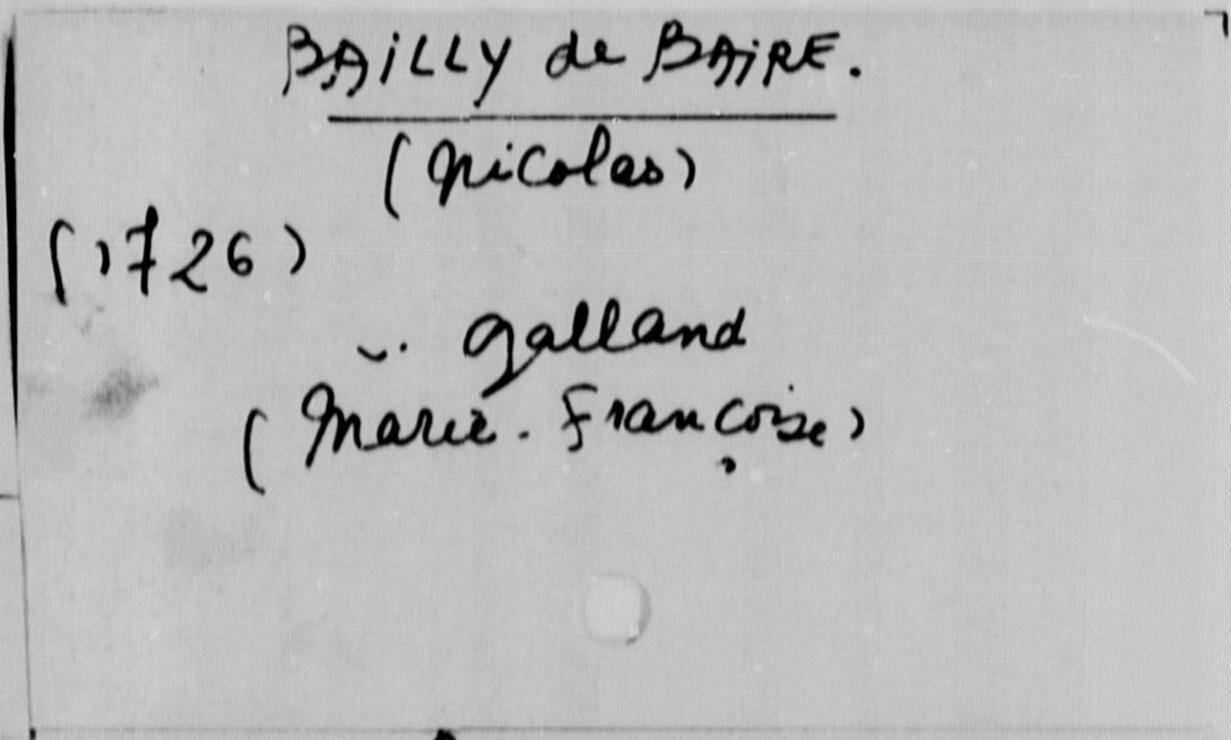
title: BAILLY de BAIRE (Nicolas)
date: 1726
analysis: Voir GALLAND (Marie-Françoise)
